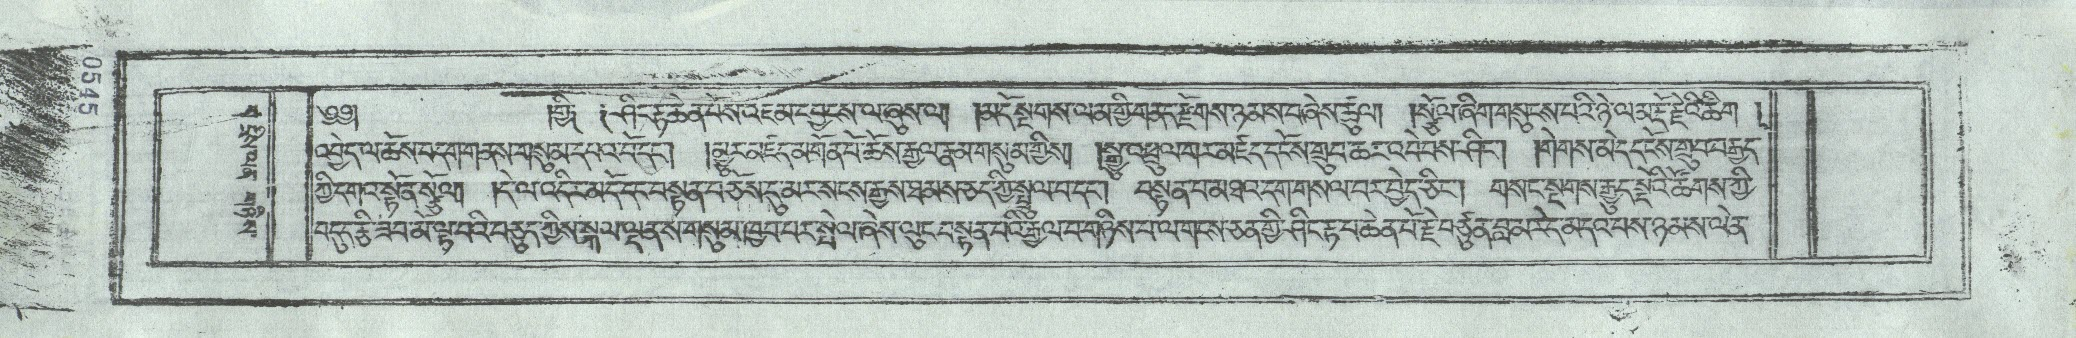༄༅། །གྱི༑ ༑ཤིང་རྟ་ཆེན་པོས་འཇམ་དབྱངས་ལ་ཞུས་ལ། །མདོ་སྔགས་ལམ་གྱི་གནད་རྫོགས་ཉམས་བཞེས་ཚུལ། །སྩོལ་ཞིག་གསུངས་པའི་ཉེ་ལམ་རྡོ་རྗེའི་ཚིག །
འབྱེད་ལ་ཆོས་བདག་གནས་གསུམ་དཔའ་བོ་དང་། །མྱུར་མཛད་མགོན་པོ་ཆོས་རྒྱལ་རྣམ་གསུམ་གྱིས། །སྒྱུ་འཕྲུལ་གར་མཛད་དངོས་གྲུབ་ཆར་འབེབས་ཤིང་། །གེགས་མེད་དངོས་གྲུབ་བརྒྱད་
ཀྱི་དགའ་སྟོན་སྩོལ། །དེ་ལ་འདིར་མདོ་དང་བསྟན་བཅོས་དུ་མར་སངས་རྒྱས་ཐམས་ཅད་ཀྱི་སྤྲུལ་པ་དང་། བསྟན་པ་མཐའ་དག་གསལ་བར་བྱེད་ཅིང་། གསང་སྔགས་རྒྱུད་སྡེའི་ཚོགས་ཀྱི་
བདུད་རྩི་ཟབ་མོ་ལྟ་བའི་བཅུད་ཀྱིས་སྐལ་ལྡན་ས་གསུམ་ཁྱབ་པར་སྤེལ་ཞེས་ལུང་བསྟན་པའི་རྒྱལ་བ་གཉིས་པ་ལ་གངས་ཅན་གྱི་ཤིང་རྟ་པ་ཆེན་པོ་རྗེ་བཙུན་བླ་མ་རེད་མདའ་པས་ཉམས་ལེན་